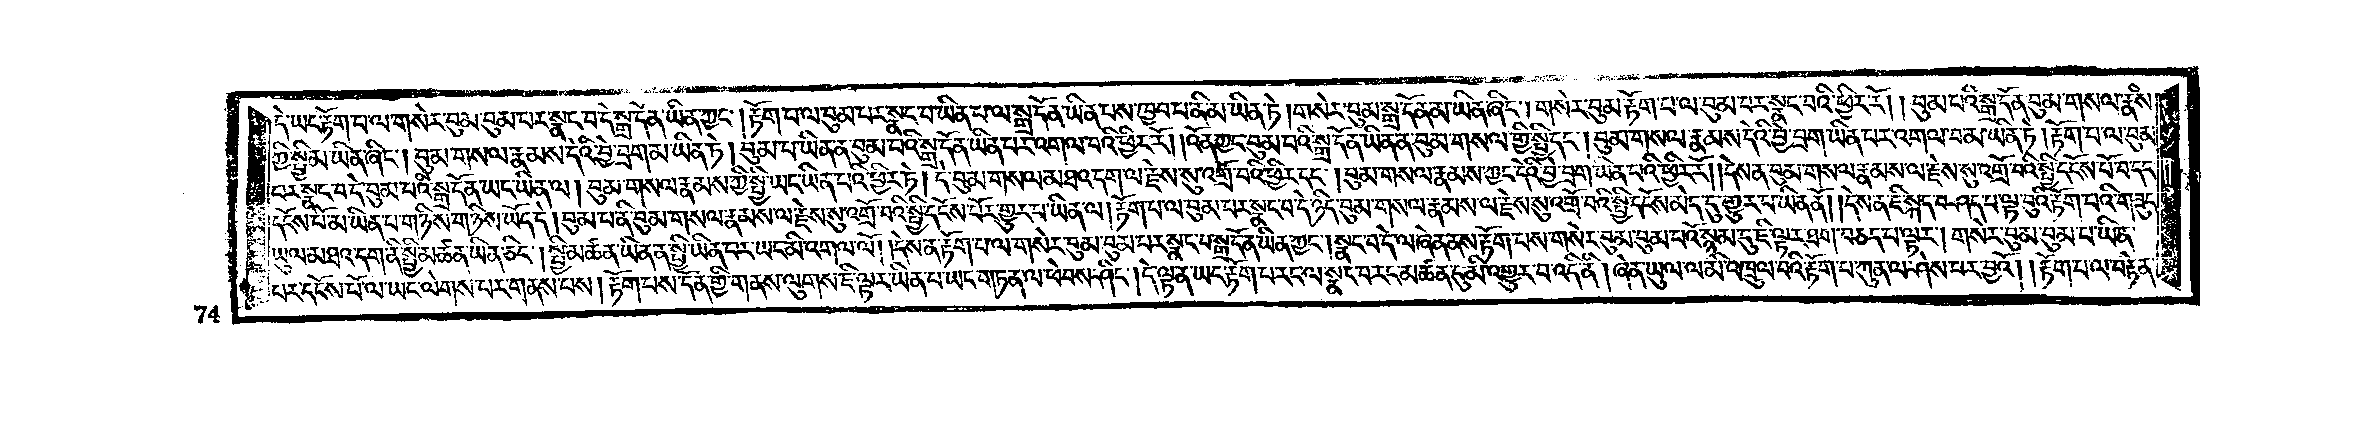དེ་ཡང་རྟོག་པ་ལ་གསེར་བུམ་བུམ་པར་སྣང་བ་དེ་སྒྲ་དོན་ཡིན་ཀྱང་། རྟོག་པ་ལ་བུམ་པར་སྣང་བ་ཡིན་པ་ལ་སྒྲ་དོན་ཡིན་པས་ཁྱབ་པ་ནི་མ་ཡིན་ཏེ། གསེར་བུམ་སྒྲ་དོན་མ་ཡིན་ཞིང་། གསེར་བུམ་རྟོག་པ་ལ་བུམ་པར་སྣང་བའི་ཕྱིར་རོ། །བུམ་པའི་སྒྲ་དོན་བུམ་གསལ་རྣམས་
ཀྱི་སྤྱི་མ་ཡིན་ཞིང་། བུམ་གསལ་རྣམས་དེའི་བྱེ་བྲག་མ་ཡིན་ཏེ། བུམ་པ་ཡིན་ན་བུམ་པའི་སྒྲ་དོན་ཡིན་པར་འགལ་བའི་ཕྱིར་རོ། །འོན་ཀྱང་བུམ་པའི་སྒྲ་དོན་ཡིན་ན་བུམ་གསལ་གྱི་སྤྱི་དང་། བུམ་གསལ་རྣམས་དེའི་བྱེ་བྲག་ཡིན་པར་འགལ་བ་མ་ཡིན་ཏེ། རྟོག་པ་ལ་བུམ་
པར་སྣང་བ་དེ་བུམ་པའི་སྒྲ་དོན་ཡང་ཡིན་ལ། བུམ་གསལ་རྣམས་ཀྱི་སྤྱི་ཡང་ཡིན་པའི་ཕྱིར་ཏེ། དེ་བུམ་གསལ་མཐའ་དག་ལ་རྗེས་སུ་འགྲོ་བའི་ཕྱིར་དང་། བུམ་གསལ་རྣམས་ཀྱང་དེའི་བྱེ་བྲག་ཡིན་པའི་ཕྱིར་རོ། །དེས་ན་བུམ་གསལ་རྣམས་ལ་རྗེས་སུ་འགྲོ་བའི་སྤྱི་དངོས་པོ་བ་དང་
དངོས་པོ་མ་ཡིན་པ་གཉིས་གཉིས་ཡོད་དེ། བུམ་པ་ནི་བུམ་གསལ་རྣམས་ལ་རྗེས་སུ་འགྲོ་བའི་སྤྱི་དངོས་པོར་གྱུར་པ་ཡིན་ལ། རྟོག་པ་ལ་བུམ་པར་སྣང་བ་དེ་ཉིད་བུམ་གསལ་རྣམས་ལ་རྗེས་སུ་འགྲོ་བའི་སྤྱི་དངོས་མེད་དུ་གྱུར་པ་ཡིན་ནོ། །དེས་ན་ཇི་སྐད་བཤད་པ་ལྟ་བུའི་རྟོག་པའི་གཟུང་
ཡུལ་མཐའ་དག་ནི་སྤྱི་མཚན་ཡིན་ཅིང་། སྤྱི་མཚན་ཡིན་ན་སྤྱི་ཡིན་པར་ཡང་མི་འགལ་ལོ། །དེས་ན་རྟོག་པ་ལ་གསེར་བུམ་བུམ་པར་སྣང་བ་སྒྲ་དོན་ཡིན་ཀྱང་། སྣང་བ་དེ་ལ་ཞེན་ནས་རྟོག་པས་གསེར་བུམ་བུམ་པའོ་སྙམ་དུ་ཇི་ལྟར་ཐག་བཅད་པ་ལྟར། གསེར་བུམ་བུམ་པ་ཡིན་
པར་དངོས་པོ་ལ་ཡང་ལེགས་པར་གནས་པས། རྟོག་པས་དོན་གྱི་གནས་ལུགས་ཇི་ལྟར་ཡིན་པ་ཡང་གཏན་ལ་ཕེབས་ཤིང་། དེ་ལྟ་ན་ཡང་རྟོག་པ་རང་ལ་སྣང་བ་རང་མཚན་དུ་མི་འགྱུར་བ་འདི་ནི། ཞེན་ཡུལ་ལ་མི་འཁྲུལ་བའི་རྟོག་པ་ཀུན་ལ་ཤེས་པར་བྱའོ། །རྟོག་པ་ལ་བརྟེན་